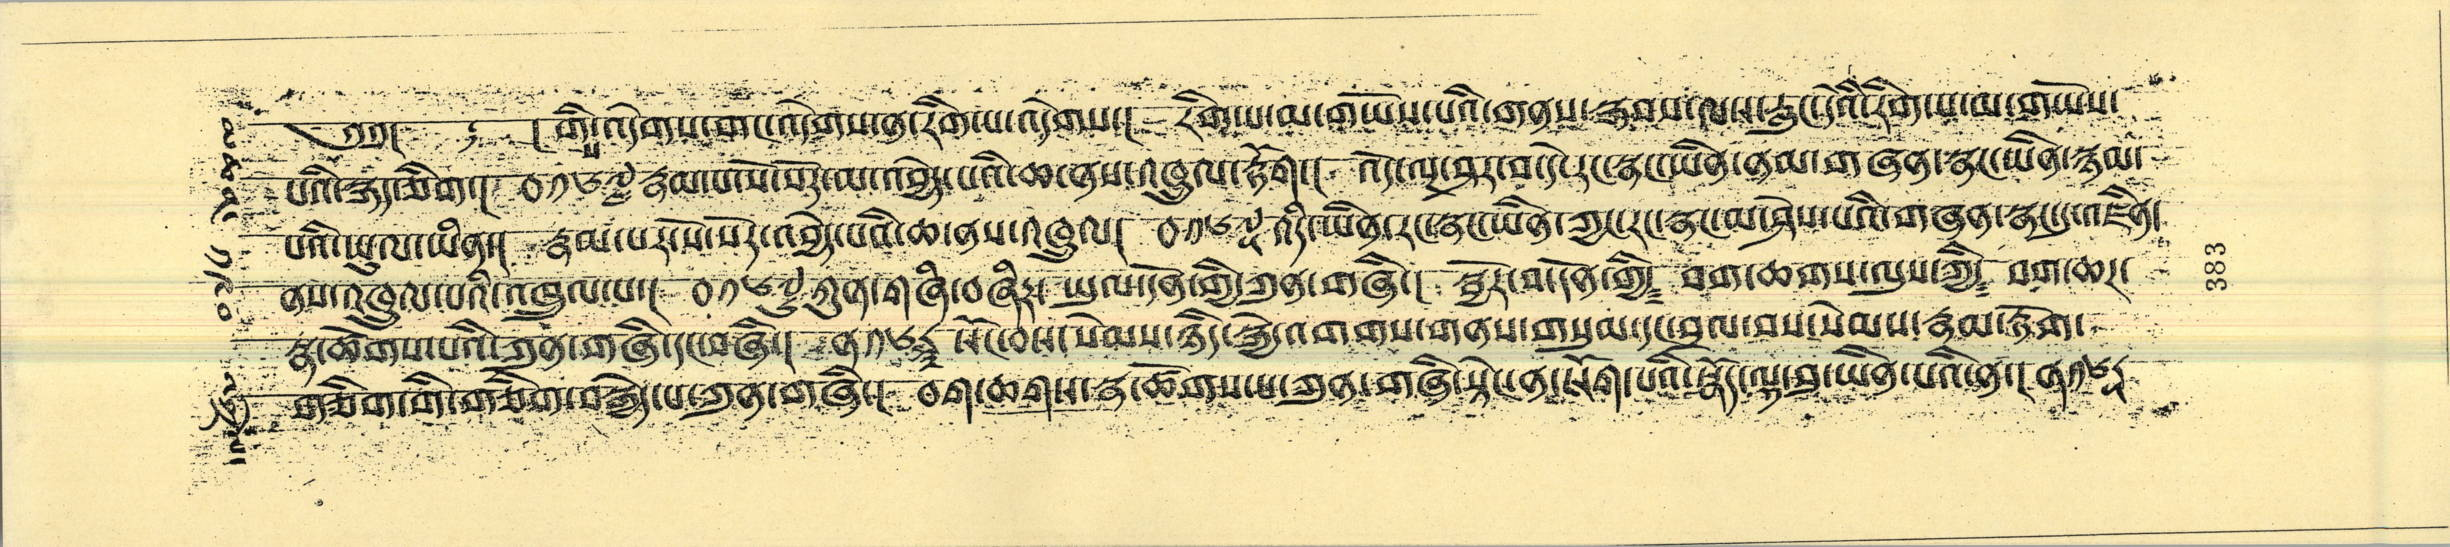གི་འདེགས་གང་འདེགས་ན་རིག་པ་འདེགས། རིག་པ་མ་གཡོས་པའི་གནས་སྐབས་ ༼ལས་རླུང་༽དེའི་རིག་པ་མ་གཡོས་
པའི་སྐད་ཅིག བ༡༦༧།༤ རྣམ་པ་སོ་སོར་མ་འབྱེད་པའི་ཆ་ནས་ ༼འཁྲུལ་སྟོག་༽འོད་ལྔ་ཤར་བ་དེ་རང་སྣང་ཡིན་ནམ་གཞན་སྣང་ཡིན་སྙམ་
པའི་ ༼ཡུལ་ཡིན།༽རྣམ་པར་སོ་སོར་འབྱེད་པའི་ཆ་ནས་ ༼འཁྲུལ།༽བ༡༦༧།༥ ༼འདི་ཡིན་༽རང་སྣང་ཡིན་ཀྱང་རང་སྣང་མ་ཤེས་པའི་གཞན་སྣང་དུ་འཛིན་
ནས་ ༼འཁྲུལ་པའི་༽འཁྲུལ་པ། བ༡༦༧།༦ ༼ཀུན་གཞི་བཞིར་༽ཡུལ་དོན་གྱི་ཀུན་གཞི། སྦྱོར་བ་དོན་གྱི་་། བག་ཆགས་ལུས་ཀྱི་་། བག་ཆགས་
སྣ་ཚོགས་པའི་ཀུན་གཞི་དང་བཞི། ན༡༦༨།༣ ༼སོང་བས་༽སེམས་ཉིད་སྐྱེ་འགགས་གནས་གསུམ་དང་བྲལ་བས་སེམས་རྣམ་རྟོག་
གཅིག་གི་གཅིག་བསྐྱེད་པ་ཀུན་གཞི། ༼བག་ཆགས་༽སྣ་ཚོགས་པ་ཀུན་གཞི་སྟེང་ན་ ༼སོག་༽པའི་ ༼སྣོད་༽ལྟ་བུ་ཡིན་པའི་ན། ན༡༦༨།༥